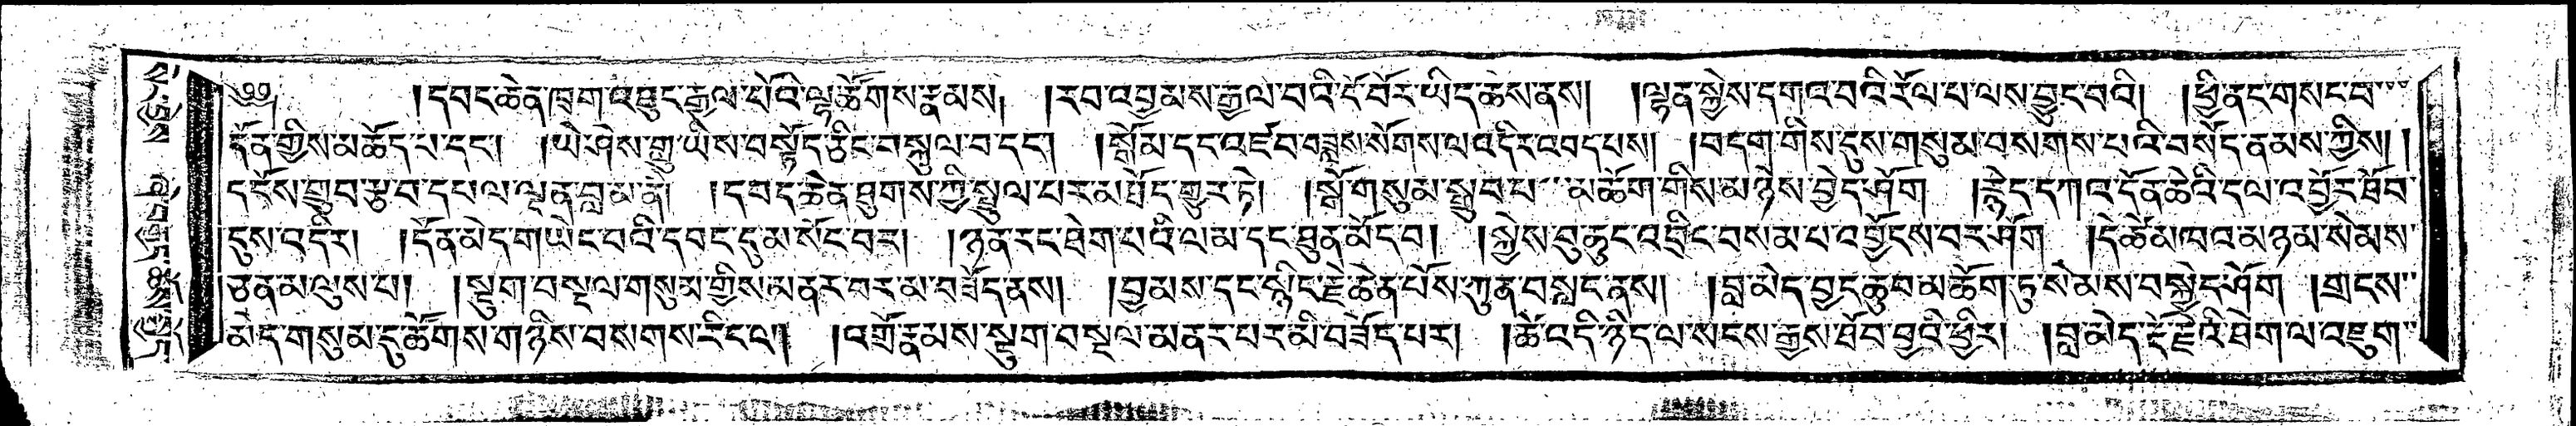༄༅། །དབང་ཆེན་ཁྲག་འཐུང་རྒྱལ་པོའི་ལྷ་ཚོགས་རྣམས། །རབ་འབྱམས་རྒྱལ་བའི་ངོ་བོར་ཡིད་ཆེས་ནས། །ལྷན་སྐྱེས་དགའ་བའི་རོལ་པ་ལས་བྱུང་བའི། །ཕྱི་ནང་གསང་བ་
དོན་གྱིས་མཆོད་པ་དང་། །ཡེ་ཤེས་གླུ་ཡིས་བསྟོད་ཅིང་བསྐུལ་བ་དང་། །སྒོམ་དང་འཛབ་བཟླས་སོགས་ལ་འདིར་འབད་པས། །བདག་གིས་དུས་གསུམ་བསགས་པའི་བསོད་ནམས་ཀྱིས། །
དངོས་གྲུབ་རྩ་བ་དཔལ་ལྡན་བླ་མ་ནི། །དབང་ཆེན་ཐུགས་ཀྱི་སྤྲུལ་པར་མཐོང་གྱུར་ཏེ། །སྒོ་གསུམ་སྒྲུབ་པ་མཆོག་གིས་མཉེས་བྱེད་ཤོག །རྙེད་དཀའ་དོན་ཆེའི་དལ་འབྱོར་ཐོབ་
དུས་འདིར། །དོན་མེད་གཡེང་བའི་དབང་དུ་མ་སོང་བར། །ཉན་རང་ཐེག་པའི་ལམ་དང་ཐུན་མོང་བ། །སྐྱེས་བུ་ཆུང་འབྲིང་བསམ་པ་འབྱོངས་བར་ཤོག །དེ་ཚེ་མཁའ་མཉམ་སེམས་
ཅན་མ་ལུས་པ། །སྡུག་བསྔལ་གསུམ་གྱིས་མནར་བར་མ་བཟོད་ནས། །བྱམས་དང་སྙིང་རྗེ་ཆེན་པོས་ཀུན་བསླང་ནས། །བླ་མེད་བྱང་ཆུབ་མཆོག་ཏུ་སེམས་བསྐྱེད་ཤོག །གྲངས་
མེད་གསུམ་དུ་ཚོགས་གཉིས་བསགས་རིང་ལ། །འགྲོ་རྣམས་སྡུག་བསྔལ་མནར་བར་མི་བཟོད་པར། །ཚེ་འདི་ཉིད་ལ་སངས་རྒྱས་ཐོབ་བྱའི་ཕྱིར། །བླ་མེད་རྡོ་རྗེའི་ཐེག་ལ་འཇུག་